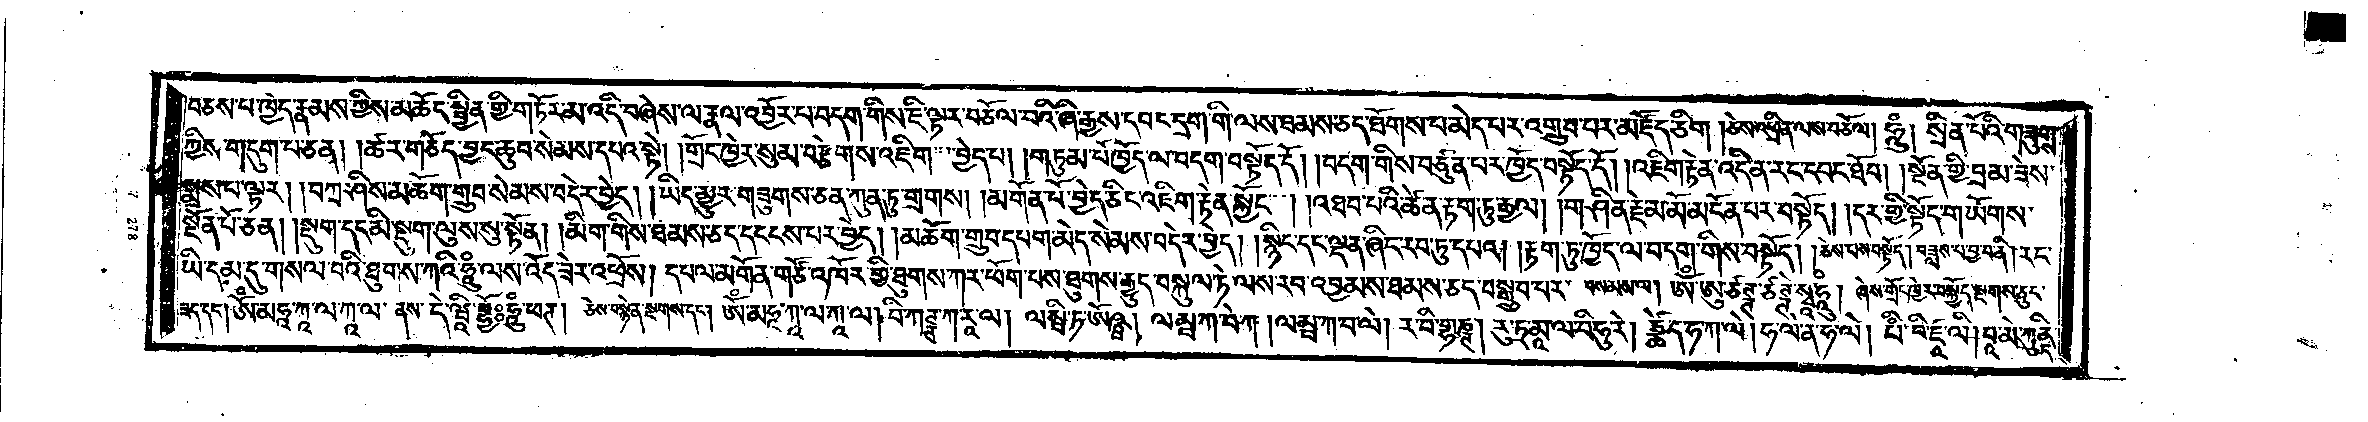བཅས་པ་ཁྱེད་རྣམས་ཀྱིས་མཆོད་སྦྱིན་གྱི་གཏོར་མ་འདི་བཞེས་ལ་རྣལ་འབྱོར་པ་བདག་གིས་ཇི་ལྟར་བཅོལ་བའི་ཞི་རྒྱས་དབང་དྲག་གི་ལས་ཐམས་ཅད་ཐོགས་པ་མེད་པར་འགྲུབ་པར་མཛོད་ཅིག་།ཅེས་འཕྲིན་ལས་བཅོལ།  ཧཱུཾ། སྲིན་པོའི་གཟུགས་
ཀྱིས་གདུག་པ་ཅན། །ཚར་གཅོད་བྱང་ཆུབ་སེམས་དཔའ་སྟེ། །གྲོང་ཁྱེར་སུམ་བརྩེགས་འཇིག་བྱེད་པ། །གཏུམ་པོ་ཁྱོད་ལ་བདག་བསྟོད་དོ། །བདག་གིས་བཙུན་བར་ཁྱོད་བསྟོད་དོ། །འཇིག་རྟེན་འདི་ན་རང་དབང་ཐོབ། །སྔོན་གྱི་བྲམ་ཟེས་
སྨྲས་པ་ལྟར། །བཀྲ་ཤིས་མཆོག་གྲུབ་སེམས་བདེར་བྱེད། །ཡིད་མྱུར་གཟུགས་ཅན་ཀུན་ཏུ་གྲགས། །མགོན་པོ་བྱེད་ཅིང་འཇིག་རྟེན་སྐྱོང་། །འཐབ་པའི་ཚེན་རྟག་ཏུ་རྒྱལ། །གཤིན་རྗེ་མ་མོ་མངོན་པར་བསྟོད། །དར་གྱི་སྟོད་གཡོགས་
སྔོན་པོ་ཅན། །སྡུག་དང་མི་སྡུག་ལུས་སུ་སྟོན། །མིག་གིས་ཐམས་ཅད་དང་ངས་པར་བྱེད། །མཆོག་གྲུབ་དཔག་མེད་སེམས་བདེར་བྱེད། །སྙིང་དང་ལྡན་ཞིང་རབ་ཏུ་དཔའ། །རྟག་ཏུ་ཁྱོད་ལ་བདག་གིས་བསྟོད། །ཅེས་པས་བསྟོད། བཟླས་པ་བྱ་བ་ནི།  རང་
ཡི་དམ་དུ་གསལ་བའི་ཐུགས་ཀའི་ཧཱུཾ་ལས་འོད་ཟེར་འཕྲོས། དཔལ་མགོན་གཙོ་འཁོར་གྱི་ཐུགས་ཀར་ཕོག་པར་ཐུགས་རྒྱུད་བསྐུལ་ཏེ་ལས་རབ་འབྱམས་ཐམས་ཅད་བསྒྲུབ་པར་བསམས་ལ།  ཨོཾ་ཨུ་ཙཏྟ་ཙཏྟེ་སྭཱཧཱ་ཧཱུཾ། ཞེས་གྲོང་ཁྱེར་བསྐྱོད་སྔགས་ཅུང་
ཟད་དང་། ཨོཾ་མྷཱ་ཀཱ་ལ་ཀཱ་ལ་ནས་དེ་ཝཱི་བྷྱོཿ ཧཱུཾ་ཕཊ། ཅེས་བསྙེན་སྔགས་དང་།  ཨོཾ་མྷཱ་ཀཱ་ལ་ཀཱ་ལ། བི་ཀཊྚ་ཀ་རཱ་ལ། ལམྦི་ཏ་ཨོཥཊཿཨ། ལམྦ་ཀ་བེ་ཀ། ལམྦ་ཀ་བ་ལེ། ར་བི་གྷཎྚ། རུ་ཏྲ་མཱ་ལ་བི་ཧུ་རེ། ཚེ་ཆ་ཧ་ཀ་ལེ། ཀ་ལེ་ན་ཧེ་ལེ། པིཾ་བི་ཛཱ་ལི། བཱ་མེ་ཀུནྡི་